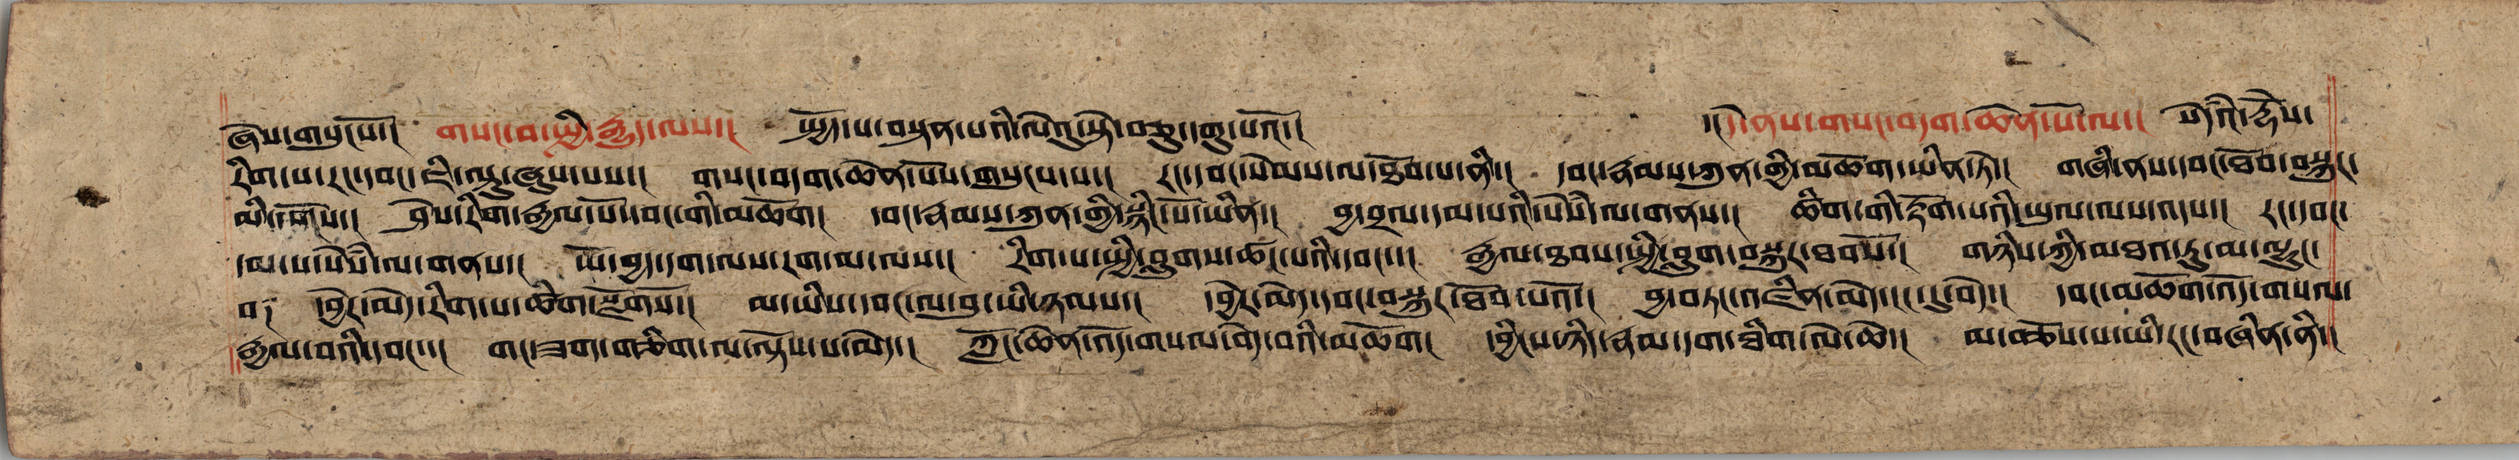ཞེས་གསུངསོ་། གསང་བ་སྤྱི་རྒྱུད་ལས་། སྤྱོད་པ་བསྟན་པའི་ལེའུ་སྟེ་བཅུ་དགུ་པའོ་། ་།དེ་ནས་གསང་བདག་ཆེན་པོ་ལ་། སེདའཾ་རྡོེས་
རིག་པ་རང་དབང་ཇི་ལྟུ་ཞུས་པས་། གསང་བདག་ཆེན་པོས་གསུངས་པ་། རང་དབང་སེམས་ལ་ཐོབ་པ་ནི་། དབང་རྣམས་ཀུན་གྱི་མཆོག་ཡིན་ཏེ་། གཞི་ནས་དབང་ཐོབ་བསྐུར་
མི་དགོས་། ཤེས་རིག་རྒྱལ་པོ་དབང་གི་མཆོག། དབང་རྣམས་ཀུན་གྱི་སྙིང་པོ་ཡིན་། བྱ་བྲལ་དམ་པའི་སེཾས་ལ་གནས་། ཚིག་གི་རྟོག་པའི་ཡུལ་ལས་འདས་། རང་དབང་
དམ་པ་སེཾས་ལ་གནས་། ཡོ་བྱད་དག་ལས་རག་མ་ལས་། རིག་པ་སྤྱི་བླུགས་ཚང་པའི་དབང་་། རྒྱལ་ཐབས་སྤྱི་བླུག་བསྐུར་ཐབསོ་། གཉིས་ཀྱི་མཐའ་རུ་མ་ལྷུང་
བ༑ དབྱེར་མེད་རིག་པ་ཚིག་སྫོགསོ་། མ་ཡིས་དབང་ལ་བུ་ཡི་ཉམས་། དབྱེར་མེད་དབང་བསྐུར་ཐོབ་པའོ་། བྱ་བཏང་འཛིན་མེད་ངང་དུ་བདེ་། དབང་མཆོག་འོད་གསལ་
རྒྱལ་བའི་དབང་་། གང་ཟག་གཅིག་ལ་ལྟོས་པ་མེད་། ཀློང་ཆེན་འོད་གསལ་བདེ་བའི་མཆོག། དབྱིངས་ཉིད་རྣམ་དག་ཐིག་ལེ་ཆེ་། མ་བཅོས་པ་ཡི་རང་བཞིན་ནི་།